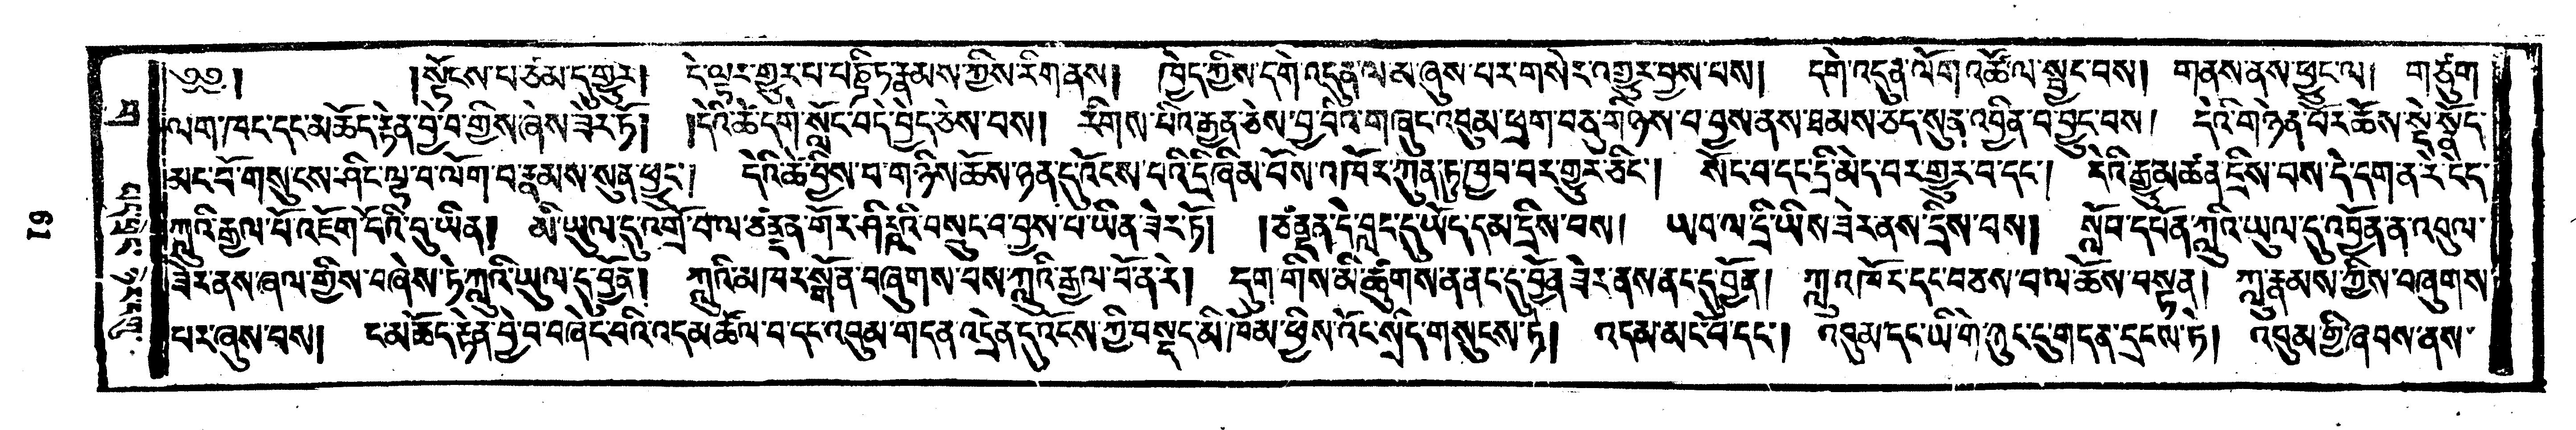༄༅། །སྟོངས་པ་ཙམ་དུ་གྱུར། དེ་ལྟར་གྱུར་པ་པཎྜི་ཏ་རྣམས་ཀྱིས་རིག་ནས། ཁྱེད་ཀྱིས་དགེ་འདུན་ལ་མ་ཞུས་པར་གསེར་འགྱུར་བྱས་པས། དགེ་འདུན་ལོག་འཚོ་ལ་སྦྱང་བས། གནས་ནས་ཕྱུང་ལ། གཙུག་
ལག་ཁང་དང་མཆོད་རྟེན་བྱེ་བ་གྱིས་ཞེས་ཟེར་ཏོ། །དེའི་ཚེ་དགེ་སློང་བདེ་བྱེད་ཅེས་པས། རིགས་པའི་རྒྱན་ཅེས་བྱ་བའི་གཞུང་འབུམ་ཕྲག་བཅུ་གཉིས་པ་བྱས་ནས་ཐམས་ཅད་སུན་འབྱིན་པ་བྱུང་བས། དེའི་གཉེན་བོར་ཆོས་སྡེ་སྣོད་
མང་པོ་གསུངས་ཤིང་ལྷ་བ་ལོག་པ་རྣམས་སུན་ཕྱུང་། དེའི་ཚེ་བྱིས་པ་གཉིས་ཆོས་ཉན་དུ་འོངས་པའི་དྲི་ཞིམ་པོས་འཁོར་ཀུན་ཏུ་ཁྱབ་པར་གྱུར་ཅིང་། སོང་བ་དང་དྲི་མེད་པར་གྱུར་བ་དང་། དེའི་རྒྱུ་མཚན་དྲིས་པས་དེ་དག་ན་རེ་ངེད་
ཀླུའི་རྒྱལ་པོ་འཇོག་པོའི་བུ་ཡིན། མི་ཡུལ་དུ་འགྲོ་བ་ལ་ཙནྡན་གོར་ཤིརྵའི་བསྲུང་བ་བྱས་པ་ཡིན་ཟེར་ཏོ། །ཙནྡན་དེ་བླང་དུ་ཡོད་དམ་དྲིས་པས། ཡབ་ལ་དྲི་ཡིས་ཟེར་ནས་དྲིས་པས། སློབ་དཔོན་ཀླུའི་ཡུལ་དུ་འབྱོན་ན་འབུལ་
ཟེར་ནས་ཞལ་གྱིས་བཞེས་ཏེ་ཀླུའི་ཡུལ་དུ་བྱོན། ཀླུའི་མཁར་སྒོན་བཞུགས་པས་ཀླུའི་རྒྱལ་པོ་ན་རེ། དུག་གིས་མི་ཚུགས་ན་ནང་དུ་བྱོན་ཟེར་ནས་ནང་དུ་བྱོན། ཀླུ་འཁོར་དང་བཅས་པ་ལ་ཆོས་བསྟན། ཀླུ་རྣམས་ཀྱིས་བཞུགས་
པར་ཞུས་པས། ང་མཆོད་རྟེན་བྱེ་བ་བཞེད་པའི་འདམ་ཚོལ་བ་དང་འབུམ་གདན་འདྲེན་དུ་འོངས་ཀྱི་བསྡང་མི་ཁོམ་ཕྱིས་འོང་སྲིད་གསུངས་ཏེ། འདམ་མང་པོ་དང་། འབུམ་དང་ཡི་གེ་ཉུང་དུ་གདན་དྲངས་ཏེ། འབུམ་གྱི་ཞབས་ནས་